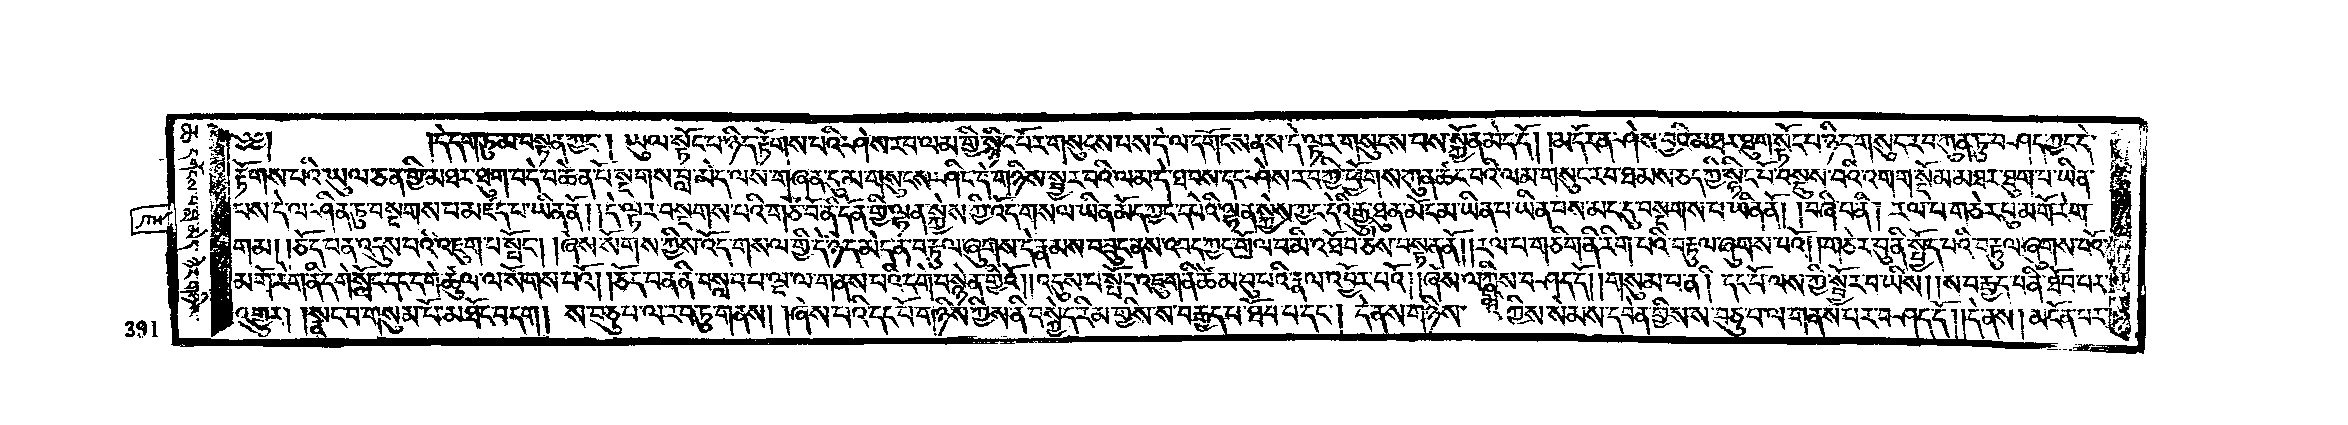༄༅། །དེ་དག་ཏུ་མ་བསྟན་ཀྱང་། ཡུལ་སྟོང་པ་ཉིད་རྟོགས་པའི་ཤེས་རབ་ལམ་གྱི་སྙིང་པོར་གསུངས་པས་དེ་ལ་དགོངས་ནས་དེ་ལྟར་གསུངས་པས་སྐྱོན་མེད་དོ། །མདོར་ན་ཤེས་བྱའི་མཐར་ཐུག་སྟོང་པ་ཉིད་གསུང་རབ་ཀུན་ཏུ་བཤད་ཀྱང་དེ་
རྟོགས་པའི་ཡུལ་ཅན་གྱི་མཐར་ཐུག་བདེ་བ་ཆེན་པོ་སྔགས་བླ་མེད་ལས་གཞན་དུ་མ་གསུངས་ཤིང་དེ་གཉིས་སྦྱར་བའི་ལམ་དེ་ཐབས་དང་ཤེས་རབ་ཀྱི་ཕྱོགས་ཀུན་ཚང་བའི་ལམ་གསུང་རབ་ཐམས་ཅད་ཀྱི་སྙིང་པོ་བསྡུས་པའི་འགག་སྡོམ་མཐར་ཐུག་པ་ཡིན་
པས་དེ་ལ་ཤིན་ཏུ་བསྔགས་པ་མཛད་པ་ཡིན་ནོ། །དེ་ལྟར་བསྔགས་པའི་གཙོ་བོ་ནི་དོན་གྱི་ལྷན་སྐྱེས་ཀྱི་འོད་གསལ་ཡིན་མོད་ཀྱང་དཔེའི་ལྷན་སྐྱེས་ཀྱང་དེའི་རྒྱུ་ཐུན་མོང་མ་ཡིན་པ་ཡིན་པས་མང་དུ་བསྔགས་པ་ཡིན་ནོ། །བཞི་པ་ནི། རལ་པ་གཅེར་པུ་མགོ་རེག་
གམ། །ཅོད་པན་འདུས་པའི་འཇུག་པ་སྤོང་། །ཞེས་སོགས་ཀྱིས་འོད་གསལ་གྱི་དེ་ཉིད་མེད་ན་བརྟུལ་ཞུགས་དེ་རྣམས་བཟུང་ནས་འབད་ཀྱང་གྲོལ་བ་མི་འཐོབ་ཅེས་བསྟན་ནོ། །རལ་པ་གཅིག་ནི་རིག་པའི་བརྟུལ་ཞུགས་པའོ། །གཅེར་པུ་ནི་སྤྱོད་པའི་བརྟུལ་ཞུགས་པའོ།
མགོ་རེག་ནི་དགེ་སློང་དང་དགེ་ཚུལ་ལ་སོགས་པའོ། །ཅོད་པན་ནི་བསླབ་པ་ལྔ་ལ་གནས་པའི་དགེ་བསྙེན་གྱིའོ། །འདུས་པ་སྤོང་འཇུག་ནི་ཚེམ་བུ་པའི་རྣལ་འབྱོར་པའོ། །ཞེས་ལཀྵྨཱིས་བཤད་དོ། །གསུམ་པ་ནི། དང་པོ་ལས་ཀྱི་སྦྱོར་བ་ཡིས། །ས་བརྒྱད་པ་ནི་ཐོབ་པར་
འགྱུར། །སྣང་བ་གསུམ་པོ་མཐོང་བ་དག །ས་བཅུ་པ་ལ་རབ་ཏུ་གནས། །ཞེས་པའི་དང་པོ་གཉིས་ཀྱིས་ནི་བསྐྱེད་རིམ་གྱིས་ས་བརྒྱད་པ་ཐོབ་པ་དང་། དེ་ནས་གཉིས་ཀྱིས་སེམས་དབེན་གྱིས་ས་བཅུ་པ་ལ་གནས་པར་བཤད་དོ། །དེ་ནས། མངོན་པར་